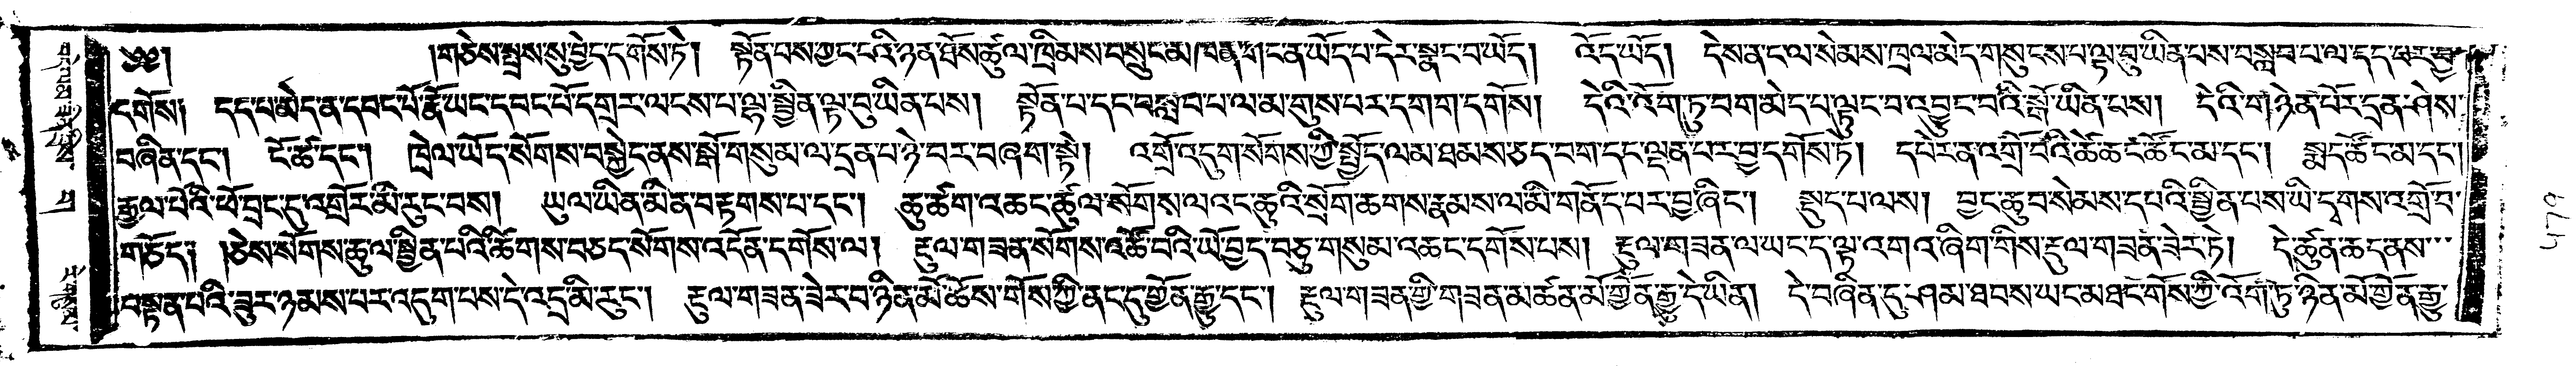༄༅། །གཅེས་སྤྲས་སུ་བྱེད་དགོས་ཏེ། སྟོན་པས་ཀྱང་ངའི་ཉན་ཐོས་ཚུལ་ཁྲིམས་བསྲུང་མཁན་གང་ན་ཡོད་པ་དེར་སྣང་བ་ཡོད། འོད་ཡོད། དེས་ན་ང་ལ་སེམས་ཁྲལ་མེད་གསུངས་པ་ལྟ་བུ་ཡིན་པས་བསླབ་པ་ལ་དད་པར་བྱ་
དགོས༑ དད་པ་མེད་ན་དབང་པོ་རྣོ་ཡང་དབང་བོ་དགྲར་ལངས་པ་ལྷ་སྦྱིན་ལྟ་བུ་ཡིན་པས། སྟོན་པ་དང་བསླབ་པ་ལ་མ་གུས་པར་དགག་དགོས། དེའི་འོག་ཏུ་བག་མེད་པ་ལྷུང་བ་འབྱུང་བའི་སྒོ་ཡིན་པས། དེའི་གཉེན་པོར་དྲན་ཤེས་
བཞིན་དང་། ངོ་ཚ་དང་། ཁྲེལ་ཡོད་སོགས་བསྐྱེད་ནས་སྒོ་གསུམ་ལ་དྲན་པ་ཉེ་བར་བཞག་སྟེ། འགྲོ་འདུག་སོགས་ཀྱི་སྤྱོད་ལམ་ཐམས་ཅད་བག་དང་ལྡན་པར་བྱ་དགོས་ཏེ། དཔེར་ན་འགྲོ་བའི་ཚེ་ཆང་ཚོང་པ་དང་། སྨད་ཚོང་མ་དང་།
རྒྱལ་པོའི་ཕོ་བྲང་དུ་འགྲོར་མི་རུང་བས། ཡུལ་ཡིན་མིན་བརྟགས་པ་དང་། ཆུ་ཚག་འཆང་ཚུལ་སོགས་ལའང་ཆུའི་སྲོག་ཆགས་རྣམས་ལ་མི་གནོད་པར་བྱ་ཞིང་། སྡུད་པ་ལས། བྱང་ཆུབ་སེམས་དཔའི་སྦྱིན་པས་ཡི་དྭགས་འགྲོ་བ་
གཅོད༑ །ཅེས་སོགས་ཆུ་ལ་སྦྱིན་པའི་ཚིགས་བཅད་སོགས་འདོན་དགོས་ལ། རྡུལ་གཟན་སོགས་འཚོ་བའི་ཡོ་བྱད་བཅུ་གསུམ་འཆང་དགོས་པས། རྡུལ་གཟན་ལ་ཡང་ད་ལྟ་འགའ་ཞིག་གིས་རྡུལ་གཟན་ཟེར་ཏེ། དེ་ཚུན་ཆད་ནས་
བསྟན་པའི་ཟུར་ཉམས་པར་འདུག་པས་དེ་འདྲ་མི་རུང་། རྡུལ་གཟན་ཟེར་བ་ཉིན་མོ་ཆོས་གོས་ཀྱི་ནང་དུ་གྱོན་རྒྱུ་དང་། རྡུལ་གཟན་གྱི་གཟན་མཚན་མོ་གྱོན་རྒྱུ་དེ་ཡིན། དེ་བཞིན་དུ་ཤམ་ཐབས་ཡང་མཐང་གོས་ཀྱི་འོག་ཏུ་ཉིན་མོ་གྱོན་རྒྱུ་